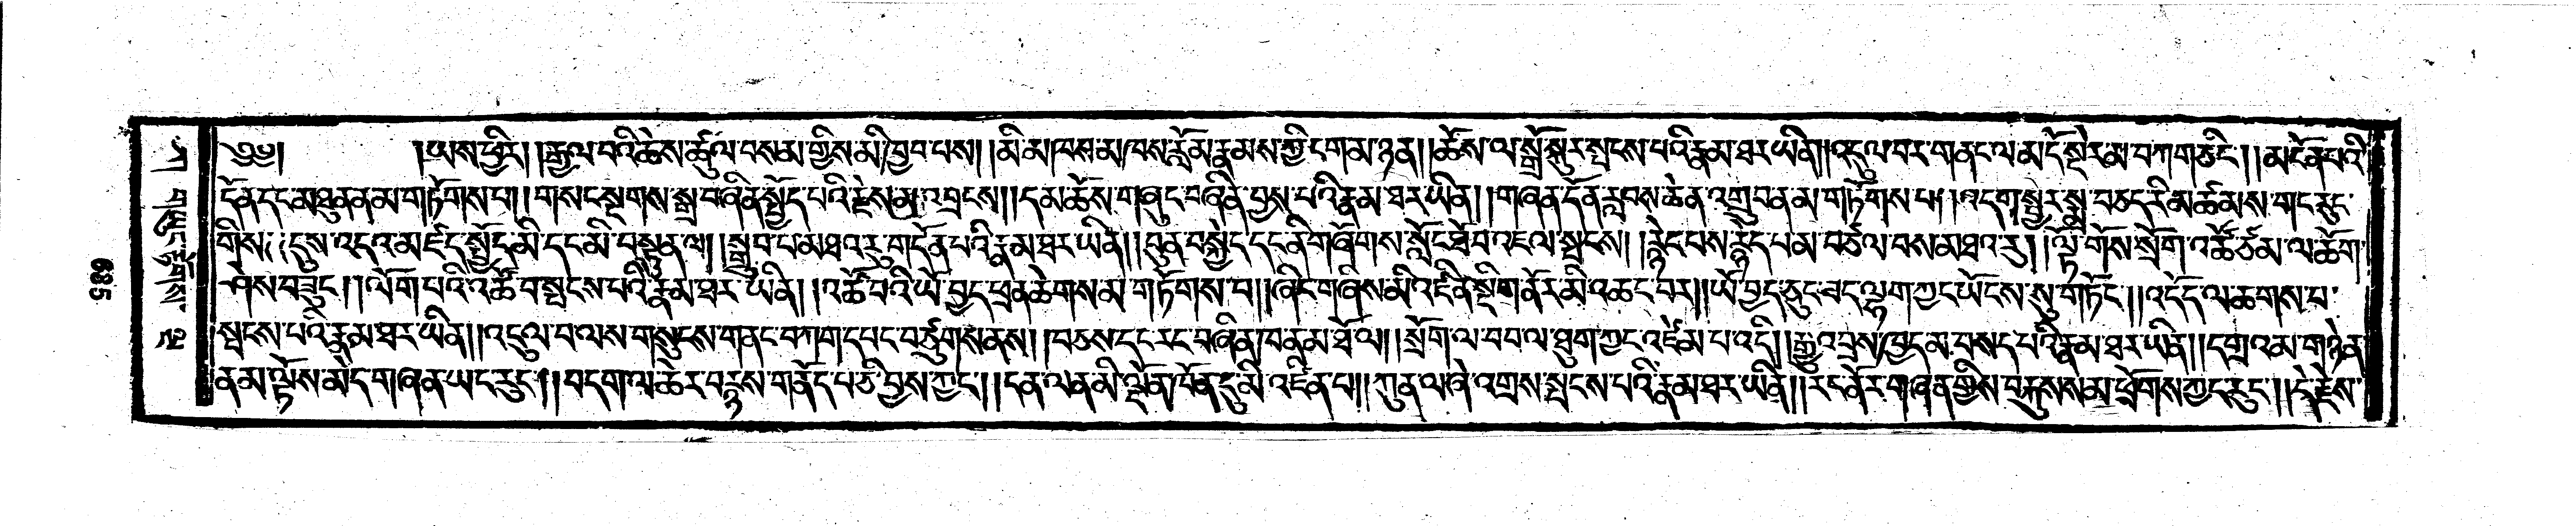༄༅། །ཡས་ཕྱིར། །རྒྱལ་བའི་ཆོས་ཚུལ་བསམ་གྱིས་མི་ཁྱབ་པས། །མི་མཁས་མཁས་རློམ་རྣམས་ཀྱི་ངག་མ་ཉན། །ཆོས་ལ་སྒྲོ་སྐུར་སྤངས་པའི་རྣམ་ཐར་ཡིན། །འདུལ་བར་གནང་ལ་མདོ་སྡེར་མ་བཀག་ཅིང་། །མངོན་པའི་
དོན་དང་མཐུན་ན་མ་གཏོགས་པ། །གསང་སྔགས་སྒྲ་བཞིན་སྤྱོད་པའི་རྗེས་མ་འབྲངས། །དམ་ཆོས་གཞུང་བཞིན་བྱས་པའི་རྣམ་ཐར་ཡིན། །གཞན་དོན་རླབས་ཆེན་འགྲུབ་ན་མ་གཏོགས་པ། །འདག་སྦྱར་སྨྲ་བཅད་རི་མཚམས་གང་རུང་
གིས༑ ༑དུས་འདའ་མཛད་སྤྱོད་མི་དང་མི་བསྟུན་པ། །སྒྲུབ་པ་མཐའ་རུ་གདོན་པའི་རྣམ་ཐར་ཡིན། །བུན་བསྐྱེད་དང་ནི་གཞོགས་སློང་ཐོབ་འཇལ་སྤངས། །རྙེད་པས་རྙེད་པ་མ་བཙལ་བས་མཐའ་རུ། །ལྟོ་གོས་སྲོག་འཚོ་ཙམ་ལ་ཆོག་
ཤེས་བཟུང་། །ལོག་པའི་འཚོ་བ་སྤངས་པའི་རྣམ་ཐར་ཡིན། །འཚོ་བའི་ཡོ་བྱད་ཕྲན་ཚེགས་མ་གཏོགས་པ། །ཞིང་གཞིས་མི་འཛིན་སྡིག་ནོར་མི་འཆང་བར། །ཡོ་བྱད་ཅུང་ཟད་ལྷག་ཀྱང་ཡོངས་སུ་གཏོང་། །འདོད་ལ་ཆགས་པ་
སྤངས་པའི་རྣམ་ཐར་ཡིན། །འདུལ་བ་ལས་གསུངས་གནང་བཀག་དཔང་བཙུགས་ནས། །བཅས་དང་རང་བཞིན་ཁ་ན་མ་ཐོ་ལ། །སྲོག་ལ་བབ་ལ་ཐུག་ཀྱང་འཛེམ་པ་འདི། །རྒྱུ་འབྲས་ཁྱད་མ་བསད་པའི་རྣམ་ཐར་ཡིན། །དགྲའམ་གཉེན་
ནམ་ལྟོས་མེད་གཞན་ཡང་རུང་། །བདག་ལ་ཆེར་བརྙས་གནོད་པ་ཅི་བྱས་ཀྱང་། །ངན་ལན་མི་ལྡོན་ཁོན་དུ་མི་འཛིན་པ། །ཀུན་ལ་ཞེ་འགྲས་སྤངས་པའི་རྣམ་ཐར་ཡིན། །རང་ནོར་གཞན་གྱིས་བརྐུས་སམ་ཕྲོགས་ཀྱང་རུང་། །དེ་རྗེས་